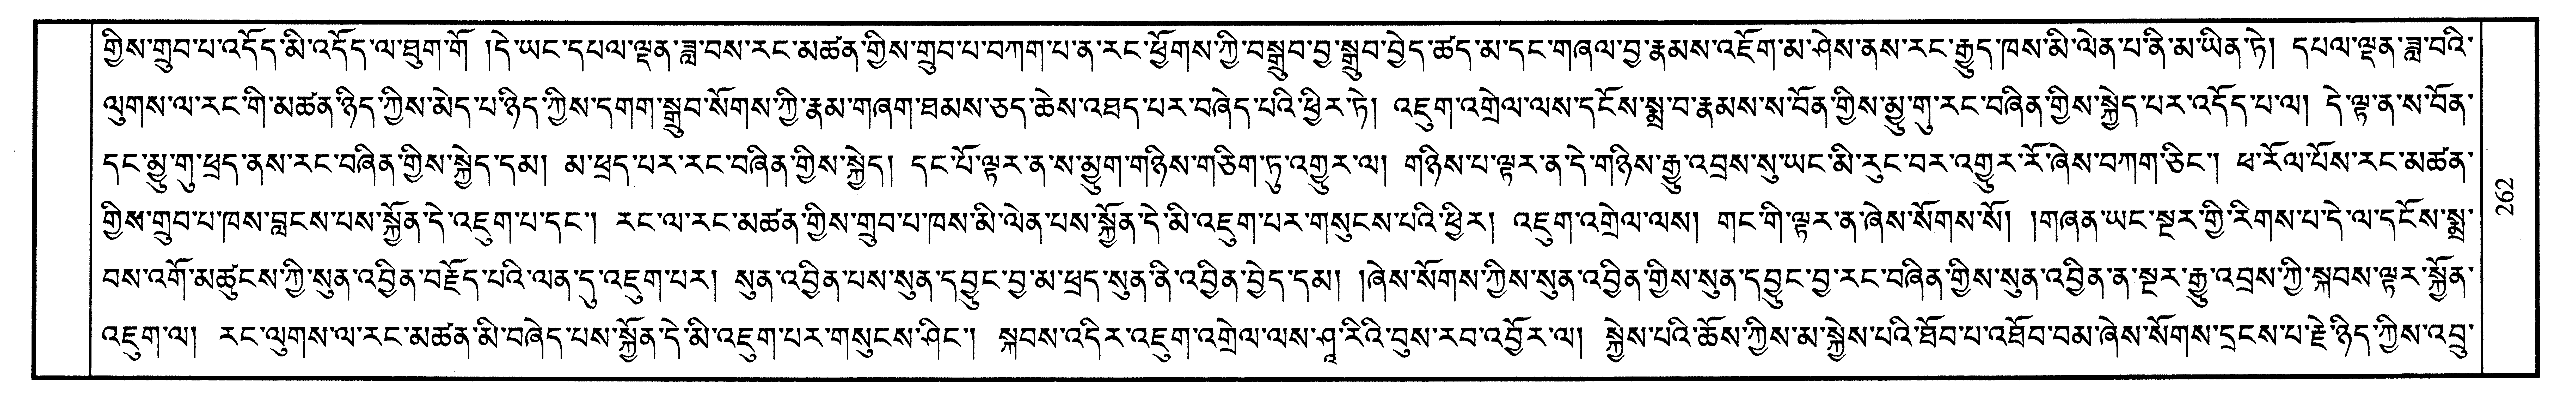གྱིས་གྲུབ་པ་འདོད་མི་འདོད་ལ་ཐུག་གོ །དེ་ཡང་དཔལ་ལྡན་ཟླ་བས་རང་མཚན་གྱིས་གྲུབ་པ་བཀག་པ་ན་རང་ཕྱོགས་ཀྱི་བསྒྲུབ་བྱ་སྒྲུབ་བྱེད་ཚད་མ་དང་གཞལ་བྱ་རྣམས་འཇོག་མ་ཤེས་ནས་རང་རྒྱུད་ཁས་མི་ལེན་པ་ནི་མ་ཡིན་ཏེ། དཔལ་ལྡན་ཟླ་བའི་
ལུགས་ལ་རང་གི་མཚན་ཉིད་ཀྱིས་མེད་པ་ཉིད་ཀྱིས་དགག་སྒྲུབ་སོགས་ཀྱི་རྣམ་གཞག་ཐམས་ཅད་ཆེས་འཐད་པར་བཞེད་པའི་ཕྱིར་ཏེ། འཇུག་འགྲེལ་ལས་དངོས་སྨྲ་བ་རྣམས་ས་བོན་གྱིས་མྱུ་གུ་རང་བཞིན་གྱིས་སྐྱེད་པར་འདོད་པ་ལ། དེ་ལྟར་ན་ས་བོན་
དང་མྱུ་གུ་ཕྲད་ནས་རང་བཞིན་གྱིས་སྐྱེད་དམ། མ་ཕྲད་པར་རང་བཞིན་གྱིས་སྐྱེད། དང་པོ་ལྟར་ན་ས་མྱུག་གཉིས་གཅིག་ཏུ་འགྱུར་ལ། གཉིས་པ་ལྟར་ན་དེ་གཉིས་རྒྱུ་འབྲས་སུ་ཡང་མི་རུང་བར་འགྱུར་རོ་ཞེས་བཀག་ཅིང་། ཕ་རོལ་པོས་རང་མཚན་
གྱིས་གྲུབ་པ་ཁས་བླངས་པས་སྐྱོན་དེ་འཇུག་པ་དང་། རང་ལ་རང་མཚན་གྱིས་གྲུབ་པ་ཁས་མི་ལེན་པས་སྐྱོན་དེ་མི་འཇུག་པར་གསུངས་པའི་ཕྱིར། འཇུག་འགྲེལ་ལས། གང་གི་ལྟར་ན་ཞེས་སོགས་སོ། །གཞན་ཡང་སྔར་གྱི་རིགས་པ་དེ་ལ་དངོས་སྨྲ་
བས་འགོ་མཚུངས་ཀྱི་སུན་འབྱིན་བརྗོད་པའི་ལན་དུ་འཇུག་པར། སུན་འབྱིན་པས་སུན་དབྱུང་བྱ་མ་ཕྲད་སུན་ནི་འབྱིན་བྱེད་དམ། །ཞེས་སོགས་ཀྱིས་སུན་འབྱིན་གྱིས་སུན་དབྱུང་བྱ་རང་བཞིན་གྱིས་སུན་འབྱིན་ན་སྔར་རྒྱུ་འབྲས་ཀྱི་སྐབས་ལྟར་སྐྱོན་
འཇུག་ལ། རང་ལུགས་ལ་རང་མཚན་མི་བཞེད་པས་སྐྱོན་དེ་མི་འཇུག་པར་གསུངས་ཤིང་། སྐབས་འདིར་འཇུག་འགྲེལ་ལས་ཤཱ་རིའི་བུས་རབ་འབྱོར་ལ། སྐྱེས་པའི་ཆོས་ཀྱིས་མ་སྐྱེས་པའི་ཐོབ་པ་འཐོབ་བམ་ཞེས་སོགས་དྲངས་པ་རྗེ་ཉིད་ཀྱིས་འབྲུ་